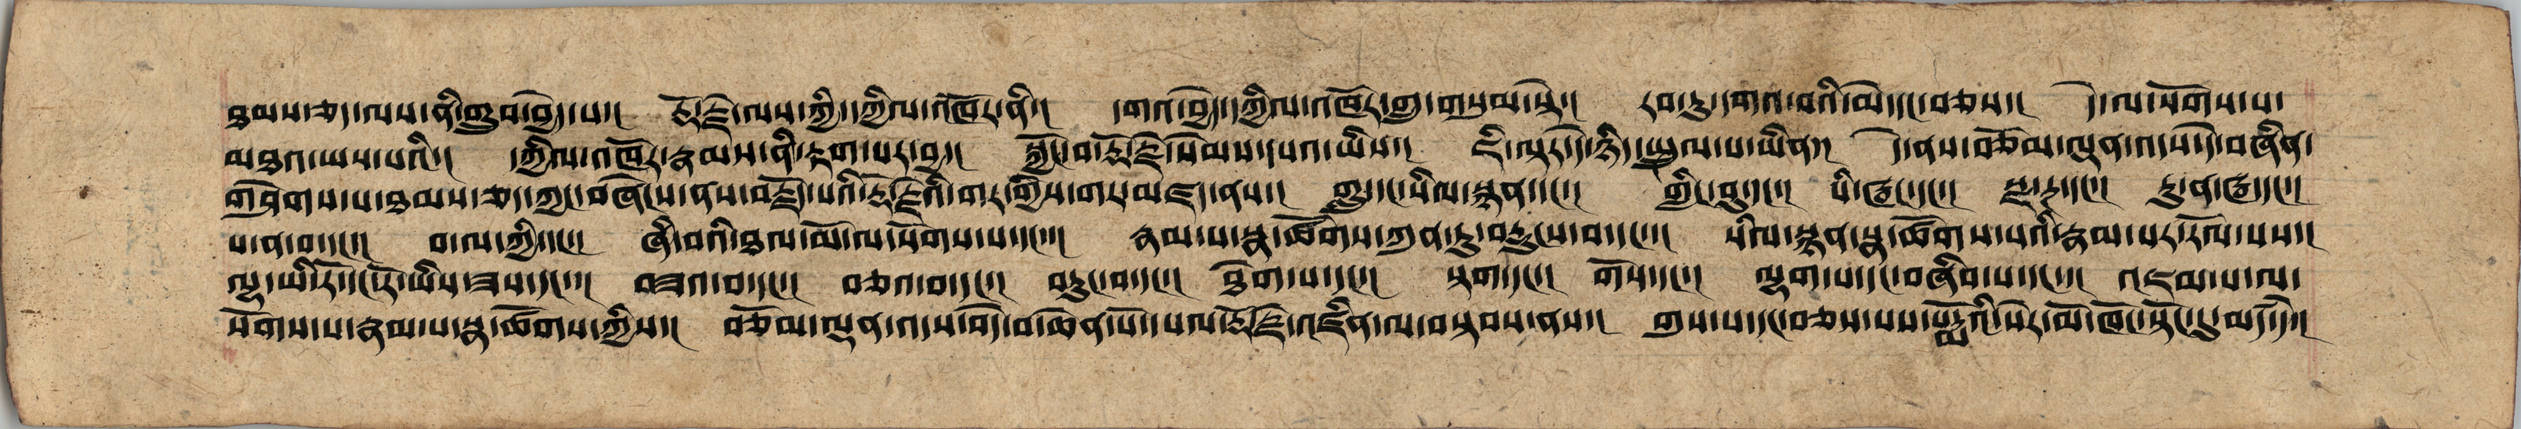ཐམས་ཅད་ལས་ནི་གྲུབ་བྱེད་པ་། རྡོ་རྗེ་ལས་ཀྱི་དཀྱིལ་འཁོར་ནི་། དགའ་བྱེད་དཀྱིལ་འཁོར་གྲུ་གསུམ་སྟེ་། རབ་ཏུ་དགའ་བའི་མེ་དང་བཅས་། དེ་ལ་སོགས་པ་
མཐའ་ཡས་པའི་། དཀྱིལ་འཁོར་རྣམས་ནི་རྟག་པར་བྱ་། སྐྱོང་བ་རྡོ་རྗེ་སེམས་དཔའ་ཡིས་། ཇིི་ལྟར་དེ་ཉིད་སྤྲུལ་པ་ཡིན་། དེ་ནས་བཅོམ་ལྡན་འདས་དེ་བཞིན་
གཤེགས་པ་ཐམས་ཅད་ཀྱང་བཞེངས་ནས་བརྗོད་པའི་རྡོ་རྗེའི་གར་གྱིས་གར་མཛད་ནས་། གླུ་དང་སིལ་སྙན་དང་། གླིང་བུ་དང་། པི་ཝང་དང་། སྫ་རྔ་དང་། རུ་ན་ཝ་དང་།
པ་ན་བ་དང་། བ་ལ་ཀྱི་དང་། ཞི་བའི་ཐལ་མོ་ལ་སོགས་པ་དང་་། རྣམ་པ་སྣ་ཚོགས་ཀུན་ཏུ་བརྡུངས་བ་དང་་། སིལ་སྙན་སྣ་ཚོགས་པའི་རྣམ་པར་རོལ་པས་།
ལྷ་ཡི་རོ་དང་རོ་ཡིས་ཟས་དང་་། བཟའ་བ་དང་། བཅའ་བ་དང་། བཏུང་བ་དང་། ཐེག་པ་དང་། སྟག་དང་། གོས་དང་། ལྷག་པ་དང་བཞིབ་པ་དང་་། འཇམ་པ་ལ་
སོགས་པ་རྣམ་པ་སྣ་ཚོགས་ཀྱིས་། བཅོམ་ལྡན་འདས་བདེ་བ་ཆེན་པོ་དཔལ་རྡོ་རྗེ་འཛིན་ལ་བསྟབས་ནས་། གུས་པ་དང་བཅས་པས་པདྨོའི་སེར་མོ་ཁོང་སྟོང་དུ་མཛད་དེ་།